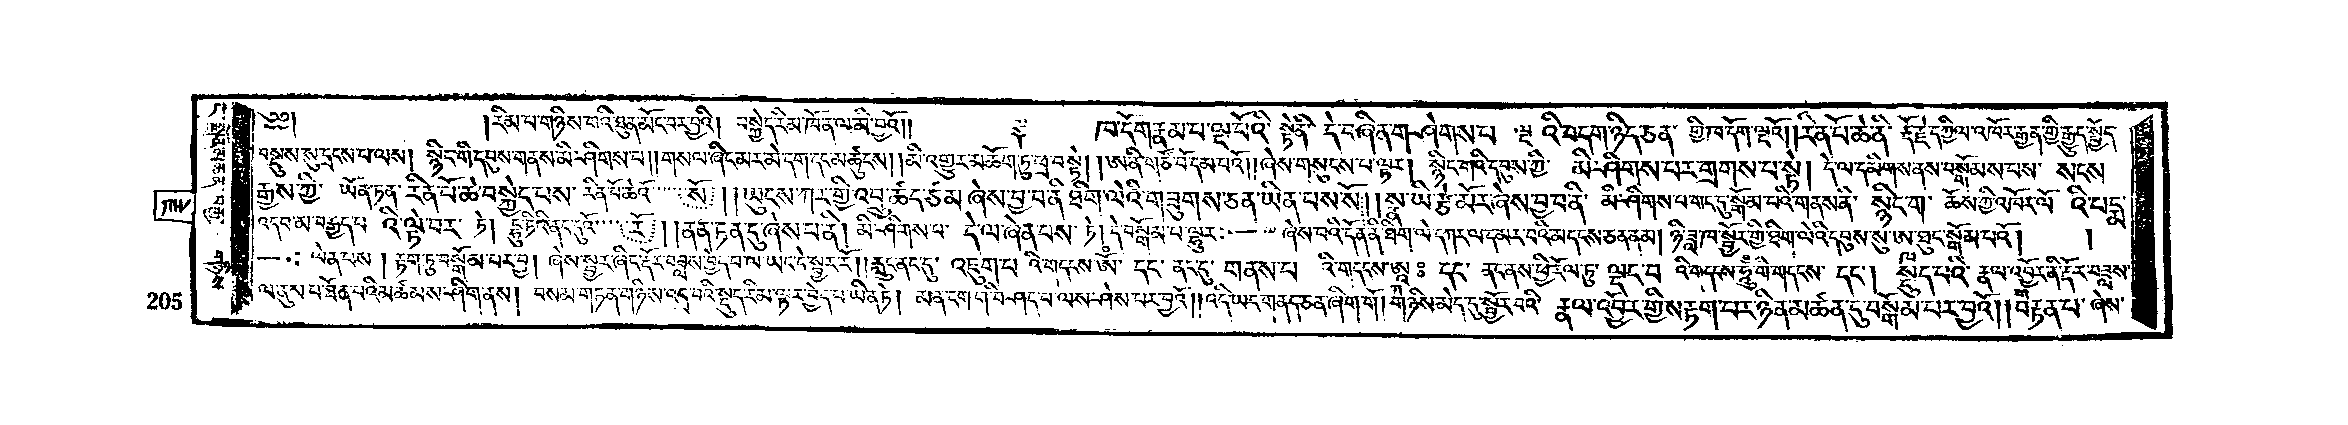༄༅། །རིམ་པ་གཉིས་གའི་ཐུན་མོང་བར་བྱའི། བསྐྱེད་རིམ་ཁོ་ན་ལ་མི་བྱའོ།། ༈ ཁ་དོག་རྣམ་པ་ལྔ་པོའི་སྟེ་ནི་དེ་བཞིན་གཤེགས་པ་ལྔའི་བདག་ཉིད་ཅན་གྱི་ཁ་དོག་ལྔའོ། །  རིན་པོ་ཆེ་ནི་རྡོ་རྗེ་དཀྱིལ་འཁོར་རྒྱན་གྱི་རྒྱུད་སྤྱོད་
བསྡུས་སུ་དྲངས་པ་ལས། སྙིང་གི་དབུས་གནས་མི་ཤིགས་པ། །གསལ་ཞིང་མར་མེ་དག་དང་མཚུངས། །མི་འགྱུར་མཆོག་ཏུ་ཕྲ་བ་སྟེ། །ཨ་ནི་གཙོ་བོ་དམ་པའོ། །ཞེས་གསུངས་པ་ལྟར། སྙིང་གའི་དབུས་ཀྱི་མི་ཤིགས་པར་གྲགས་པ་སྟེ། དེ་ལ་དམིགས་ནས་བསྒོམས་པས་སངས་
རྒྱས་ཀྱི་ཡོན་ཏན་རིན་པོ་ཆེ་བསྐྱེད་པས་རིན་པོ་ཆེའོ་སོ། །ཡུངས་ཀར་གྱི་འབྲུ་ཚད་ཙམ་ཞེས་བྱ་བ་ནི་ཐིག་ལེའི་གཟུགས་ཅན་ཡིན་པས་སོ། །སྣ་ཡི་རྩེ་མོར་ཞེས་བྱ་བ་ནི་མི་ཤིགས་པ་གང་དུ་སྒོམ་པའི་གནས་ནི་སྙིང་ག་ཆོས་ཀྱི་འཁོར་ལོའི་པདམ་
འདབ་མ་བརྒྱད་པའི་ལྟེ་བར་ཏེ། དྷུ་ཏིའི་ནང་དུའོ་རོ། །ནན་ཏན་དུ་ཞེས་པ་ནི། མི་ཤིགས་པ་དེ་ལ་ཞེན་པས་ཏེ། དེ་བསྒོམ་པ་ལྷུར་༧ཞེས་པའི་དོན་ནི་ཐིག་ལེ་དཀར་ལ་དམར་བའི་མདངས་ཅན་ནམ། ཉི་ཟླ་ཁ་སྦྱོར་གྱི་ཐིག་ལེའི་དབུས་སུ་ཨ་ཐུང་སྒོམ་པའོ།།
ལེན་པས། རྟག་ཏུ་བསྒོམ་པར་བྱ། ཞེས་སྦྱར་ཞིང་རྡོར་བཟླས་བྱེད་པ་ལ་ཡང་དེ་སྦྱར་རོ། །རླུང་ནང་དུ་འཇུག་པའི་གདངས་ཨོཾ་དང་ནང་དུ་གནས་པའི་གདངས་ཨཱཿ་དང་ནང་ནས་ཕྱི་རོལ་ཏུ་ལྡང་བའི་གདངས་ཧཱུཾ་གི་གདངས་དང་། ཁ་སྡུད་པའི་རྣལ་འབྱོར་ནི་རྡོར་བཟླས་
ལ་ནུས་པ་ཐོན་པའི་མཚམས་ཤིག་ནས། བསམ་གཏན་གཉིས་འདྲ་བའི་སྡུད་རིམ་ལྟར་བྱེད་པ་ཡིན་ཏེ། མན་ངག་གི་བཤད་པ་ལས་ཤེས་པར་བྱའོ། །འདི་ཡང་གནད་ཅན་ཞིག་གོ །ཀ྄་གཉིས་མེད་དུ་སྦྱོར་བའི་རྣལ་འབྱོར་གྱིས་རྟག་པར་ཉིན་མཚན་དུ་བསྒོམ་པར་བྱའོ། །ག྄་བརྟན་པ་ཞེས